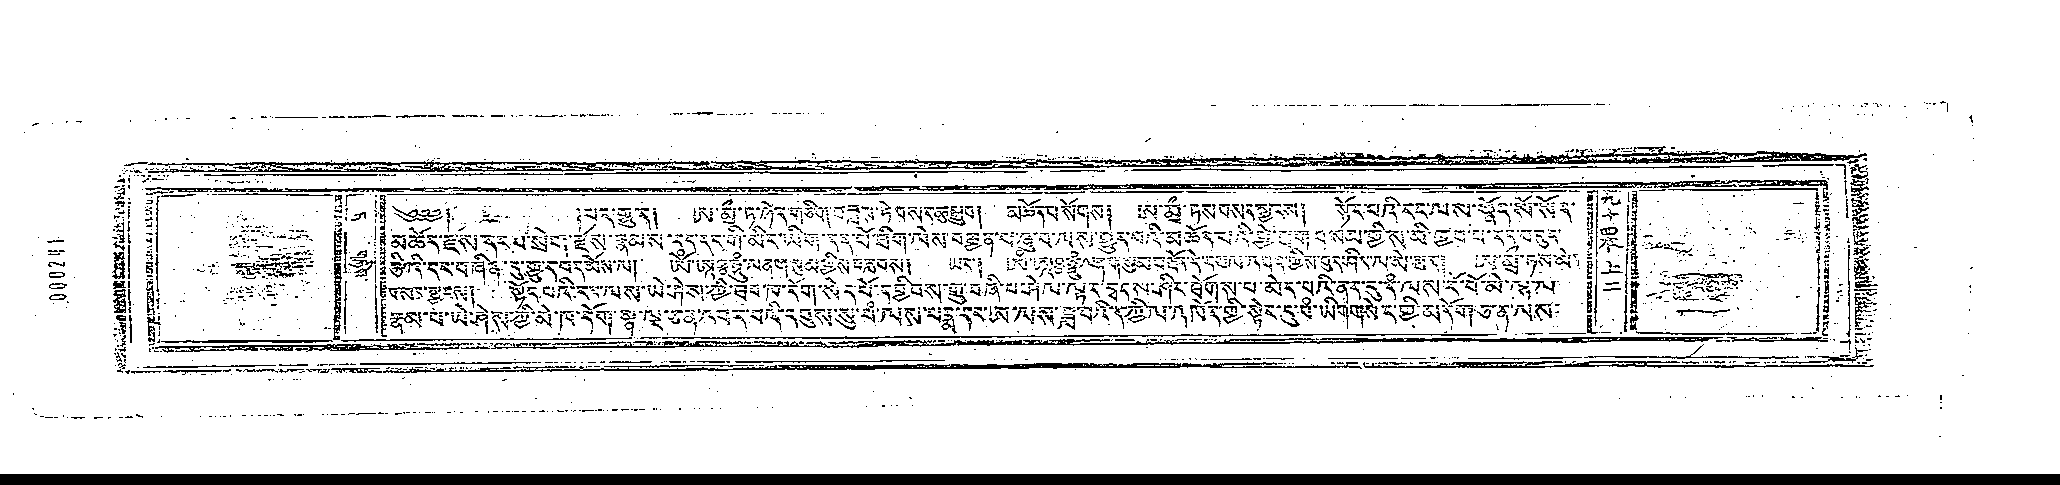༄༅༅། །པར་གྱུར། །ཨ་མྲྀ་ཏ་ཉེར་གཅིག་བཟླས་ཏེ་བསང་ཆུ་སྒྲུབ། །མཆོད་པ་སོགས། །ཨ་མྲི་ཏས་བསང་སྦྱངས། །སྟོང་པའི་ངང་ལས་སྣོད་སོ་སོར་
མཆོད་རྫས་དང་བསྲེག་རྫས་རྣམས་རང་རང་གི་མིང་ཡིག་དང་པོ་ཐིག་ལེས་བརྒྱན་པ་ཞུ་བ་ལས་བྱུང་བའི་མཆོད་པའི་བྱེ་བྲག་བསམ་གྱིས་མི་ཁྱབ་པ་དང་བདུད་
རྩིའི་རང་བཞིན་དུ་གྱུར་པར་མོས་ལ། །ཨོཾ་ཨཱཿ ཧཱུཾ་ལན་གསུམ་གྱིས་བརླབས། ཡང་། ཨོཾ་ཨཱཿ ཧཱུཾ་ལན་གསུམ་བརྗོད་དེ་དཔལ་འབར་གྱིས་བུད་ཤིང་ལ་མེ་སྤར། །ཨ་མྲྀ་ཏས་མེ་
བསང་སྦྱངས། སྟོང་པའི་ངང་ལས་ཡེ་ཤེས་ཀྱི་ཐབ་ཁ་དོག་སེར་པོ་དབྱིབས་གྲུ་བཞི་པ་ཤེལ་ལྟར་དྭངས་ཤིང་ཐོགས་པ་མེད་པའི་ནང་དུ་རི་ལས་ངོ་བོ་མེ་ལྷ་ལ་
རྣམ་པ་ཡེ་ཤེས་གྱི་མེ་ཁ་དོག་སྣ་ལྔ་ཅན་འབར་བའི་དབུས་སུ་པཾ་ལས་པདམ་དང་ཨ་ལས་ཟླ་བའི་དཀྱིལ་འཁོར་གྱི་སྟེང་དུ་བཾ་ཡིག་གསེར་གྱི་མདོག་ཅན་ལས་